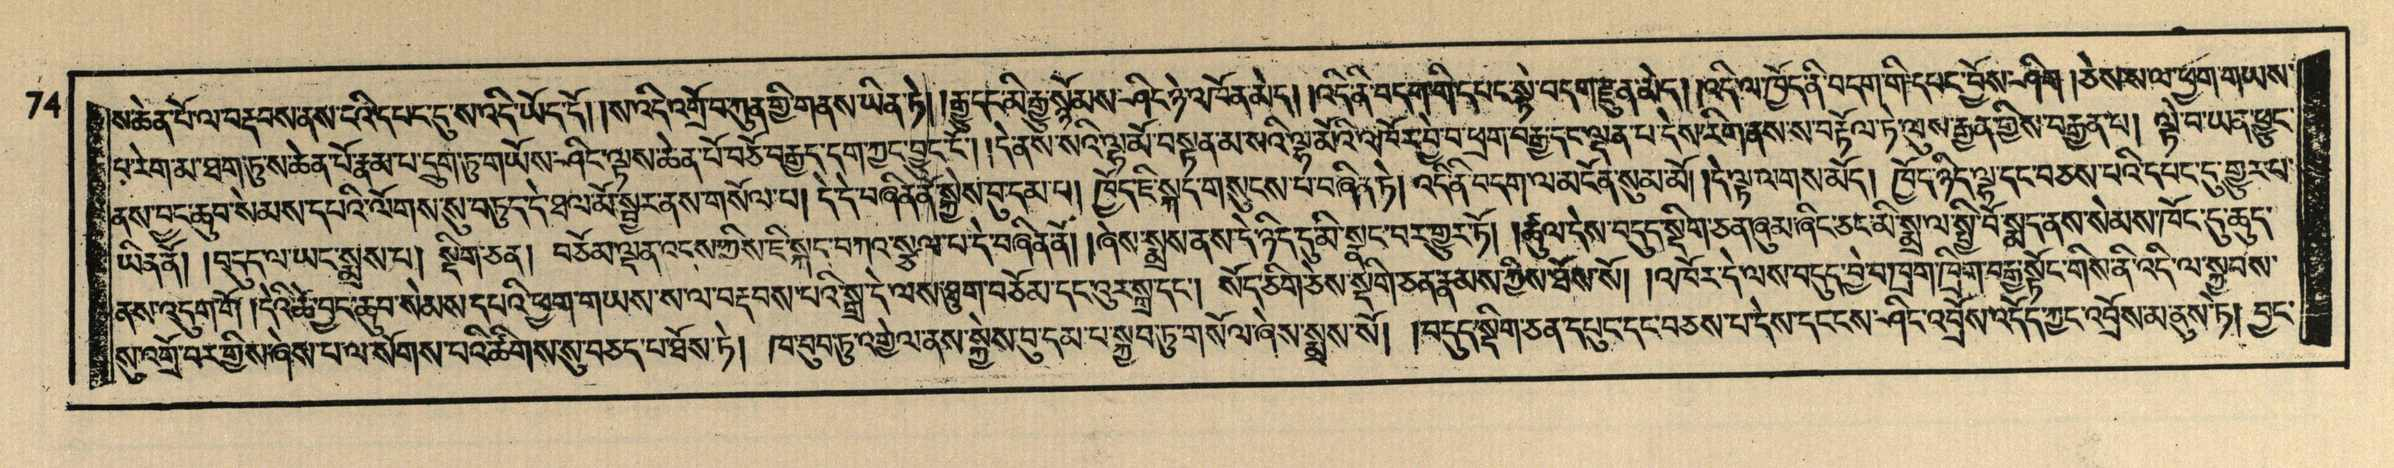ས་ཆེན་པོ་ལ་བརྡབས་ནས་ངའི་དཔང་དུ་ས་འདི་ཡོད་དོ། །ས་འདི་འགྲོ་བ་ཀུན་གྱི་གནས་ཡིན་ཏེ། །རྒྱུ་དང་མི་རྒྱུ་སྙོམས་ཤིང་ཉེ་འཁོན་མེད། །འདི་ནི་བདག་གི་དཔང་སྟེ་བདག་རྫུན་མེད། །འདི་ལ་ཁྱོད་ནི་བདག་གི་དཔང་བྱོས་ཤིག །ཅེས་ས་ལ་ཕྱག་གཡས་
པ་རེག་མ་ཐག་ཏུ་ས་ཆེན་པོ་རྣམ་པ་དྲུག་ཏུ་གཡོས་ཤིང་ལྟས་ཆེན་པོ་བཅོ་བརྒྱད་དག་ཀྱང་བྱུང་ངོ། །དེ་ནས་སའི་ལྷ་མོ་བསྟན་མ་སའི་ལྷ་མོའི་འཁོར་བྱེ་བ་ཕྲག་བརྒྱ་དང་ལྡན་པ་དེས་རིག་ནས་ས་བརྟོལ་ཏེ་ལུས་རྒྱན་གྱིས་བརྒྱན་པ། ལྟེ་བ་ཡན་ཕྱུང་
ནས་བྱང་ཆུབ་སེམས་དཔའི་ལོགས་སུ་བཏད་དེ་ཐལ་མོ་སྦྱར་ནས་གསོལ་པ། དེ་དེ་བཞིན་ནོ་སྐྱེས་བུ་དམ་པ། ཁྱོད་ཇི་སྐད་གསུངས་པ་བཞིན་ཏེ། འདི་ནི་བདག་ལ་མངོན་སུམ་མོ། །དེ་ལྟ་ལགས་མོད། ཁྱོད་ཉིད་ལྷ་དང་བཅས་པའི་དཔང་དུ་གྱུར་པ་
ཡིན་ནོ། །བདུད་ལ་ཡང་སྨྲས་པ། སྡིག་ཅན། བཅོམ་ལྡན་འདས་ཀྱིས་ཇི་སྐད་བཀའ་སྩལ་པ་དེ་བཞིན་ནོ། །ཞེས་སྨྲས་ནས་དེ་ཉིད་དུ་མི་སྣང་བར་གྱུར་ཏོ། །ཚུལ་དེས་བདུད་སྡིག་ཅན་ཞུམ་ཞིང་ཅང་མི་སྨྲ་ལ་སྤྱི་བོ་སྨད་ནས་སེམས་ཁོང་དུ་ཆུད་
ནས་འདུག་གོ །དེའི་ཚེ་བྱང་ཆུབ་སེམས་དཔའི་ཕྱག་གཡས་ས་ལ་བརྡབས་པའི་སྒྲ་དེ་ལས་ཐུག་བཅོམ་དང་འུར་སྒྲ་དང་། སོད་ཅིག་ཅེས་སྡིག་ཅན་རྣམས་ཀྱིས་ཐོས་སོ། །འཁོར་དེ་ལས་བདུད་བྱེ་བ་ཁྲག་ཁྲིག་བརྒྱ་སྟོང་གིས་ནི་འདི་ལ་སྐྱབས་
སུ་འགྲོ་བར་གྱིས་ཞེས་པ་ལ་སོགས་པའི་ཚིགས་སུ་བཅད་པ་ཐོས་ཏེ། ཁ་བུབ་ཏུ་འགྱེལ་ནས་སྐྱེས་བུ་དམ་པ་སྐྱབ་ཏུ་གསོལ་ཞེས་སྨྲས་སོ། །བདུད་སྡིག་ཅན་དཔུང་དང་བཅས་པ་དེས་དངངས་ཤིང་འབྲོས་འདོད་ཀྱང་འབྲོས་མ་ནུས་ཏེ། བྱང་